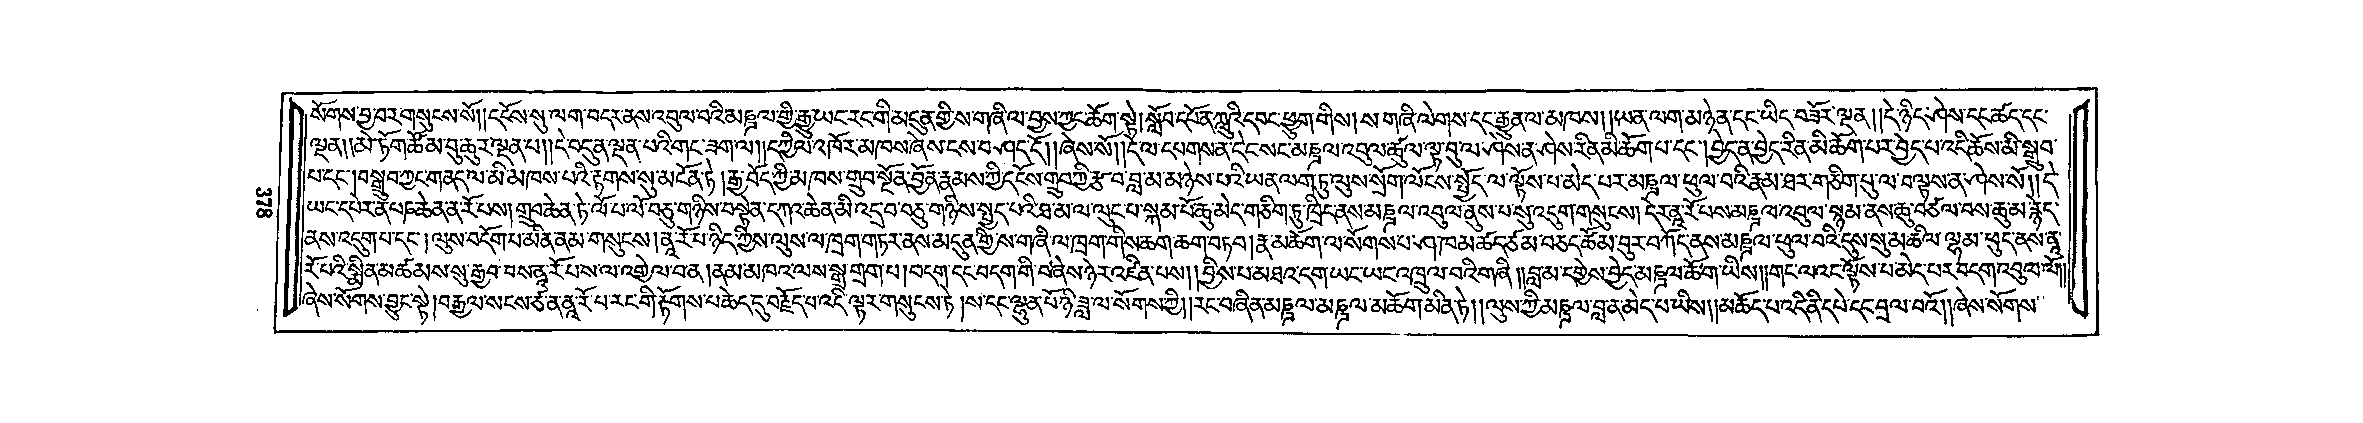སོགས་བྱ་བར་གསུངས་སོ། །དངོས་སུ་ལག་བདར་ནས་འབུལ་བའི་མཎྜལ་གྱི་རྒྱུ་ཡང་རང་གི་མདུན་གྱི་ས་གཞི་ལ་བྱས་ཀྱང་ཆོག་སྟེ། སློབ་དཔོན་ཀླུའི་དབང་ཕྱུག་གིས། ས་གཞི་ལེགས་དང་རྒྱུན་ལ་མཁས། །ཡན་ལག་མཉེན་དང་ཡིད་བཟོར་ལྡན། དེ་ཉིད་ཤེས་དང་ཚད་དང་
ལྡན། །མེ་ཏོག་ཚོམ་བུ་ཆུར་ལྡན་པ། །དེ་བདུན་ལྡན་པའི་གང་ཟག་ལ། །དཀྱིལ་འཁོར་མཁས་ཞེས་ངས་བཤད་དོ། །ཞེས་སོ། །དེ་ལ་དཔགས་ན་དེང་སང་མཎྜལ་འབུལ་ཚུལ་ལྟ་བུ་ལ་ཤེས་ན་ཤེས་རིན་མི་ཆོག་པ་དང་། བྱེད་ན་བྱེད་རིན་མི་ཆོག་པར་བྱེད་པ་འདི་ཆོས་མི་སྒྲུབ་
པ་དང་། བསྒྲུབ་ཀྱང་གནད་ལ་མི་མཁས་པའི་རྟགས་སུ་མངོན་ཏེ། རྒྱ་བོད་ཀྱི་མཁས་གྲུབ་སྔོན་བྱོན་རྣམས་ཀྱི་དངོས་གྲུབ་ཀྱི་རྩ་བ་བླ་མ་མཉེས་པའི་ཡན་ལག་ཏུ་ལུས་སྲོག་ལོངས་སྤྱོད་ལ་ལྟོས་པ་མེད་པར་མཎྜལ་ཕུལ་བའི་རྣམ་ཐར་གཅིག་པུ་ལ་བལྟས་ན་ཤེས་སོ། །དེ་
ཡང་དཔེར་ན་པཎ་ཆེན་ན་རོ་པས། གྲུབ་ཆེན་ཏེ་ལོ་པ་ལོ་བཅུ་གཉིས་བསྟེན་དཀའ་ཆེན་མི་འདྲ་བ་བཅུ་གཉིས་སྤྱད་པའི་ཐ་མ་ལ་ལུང་པ་སྐམ་པོ་ཆུ་མེད་གཅིག་ཏུ་ཁྲིད་ནས་མཎྜལ་འབུལ་ནུས་པ་སུ་འདུག་གསུངས། དེར་ནཱ་རོ་པས་མཎྜལ་འབུལ་སྙམ་ནས་ཆུ་བཙལ་བས་ཆུ་མ་རྙེད་
ནས་འདུག་པ་དང་། ལུས་བདོག་པ་མིན་ནམ་གསུངས། ནཱ་རོ་པ་ཉིད་ཀྱིས་ལུས་ལ་ཁྲག་གཏར་ནས་མདུན་གྱི་ས་གཞི་ལ་ཁྲག་གིས་ཆག་ཆག་བཏབ། རྣ་མཆོག་ལ་སོགས་པ་ཤ་ཁམ་ཚད་ཙམ་བཅད་ཚོམ་བུར་བཀོད་ནས་མཎྜལ་ཕུལ་བའི་དུས་སུ་མཆིལ་ལྷམ་ཕུད་ནས་ནཱ་
རོ་པའི་སྨིན་མཚམས་སུ་རྒྱབ་བས་ནཱ་རོ་པ་ས་ལ་འགྱེལ་བ་ན། ནམ་མཁའ་ལས་སྒྲ་གྲག་པ། བདག་དང་བདག་གི་བཞེས་ཉེར་འཛིན་པས། །བྱིས་པ་མཐའ་དག་ཡང་ཡང་འཁྲུལ་བའི་གཞི། །བླ་མ་དགྱེས་བྱེད་མཎྜལ་ཆོ་ག་ཡིས། །གང་ལའང་ལྟོས་པ་མེད་པར་བདག་འབུལ་ལོ། །
ཞེས་སོགས་བྱུང་སྟེ། བརྒྱལ་སངས་ཙ་ན་ནཱ་རོ་པ་རང་གི་རྟོགས་པ་ཆེད་དུ་བརྗོད་པ་འདི་ལྟར་གསུངས་ཏེ། ས་དང་ལྷུན་པོ་ཉི་ཟླ་ལ་སོགས་ཀྱི། །རང་བཞིན་མཎྜལ་མཎྜལ་མཆོག་མིན་ཏེ། །ལུས་ཀྱི་མཎྜལ་བླ་ན་མེད་པ་ཡིས། །མཆོད་པ་འདི་ནི་དཔེ་དང་བྲལ་བའོ། །ཞེས་སོགས་